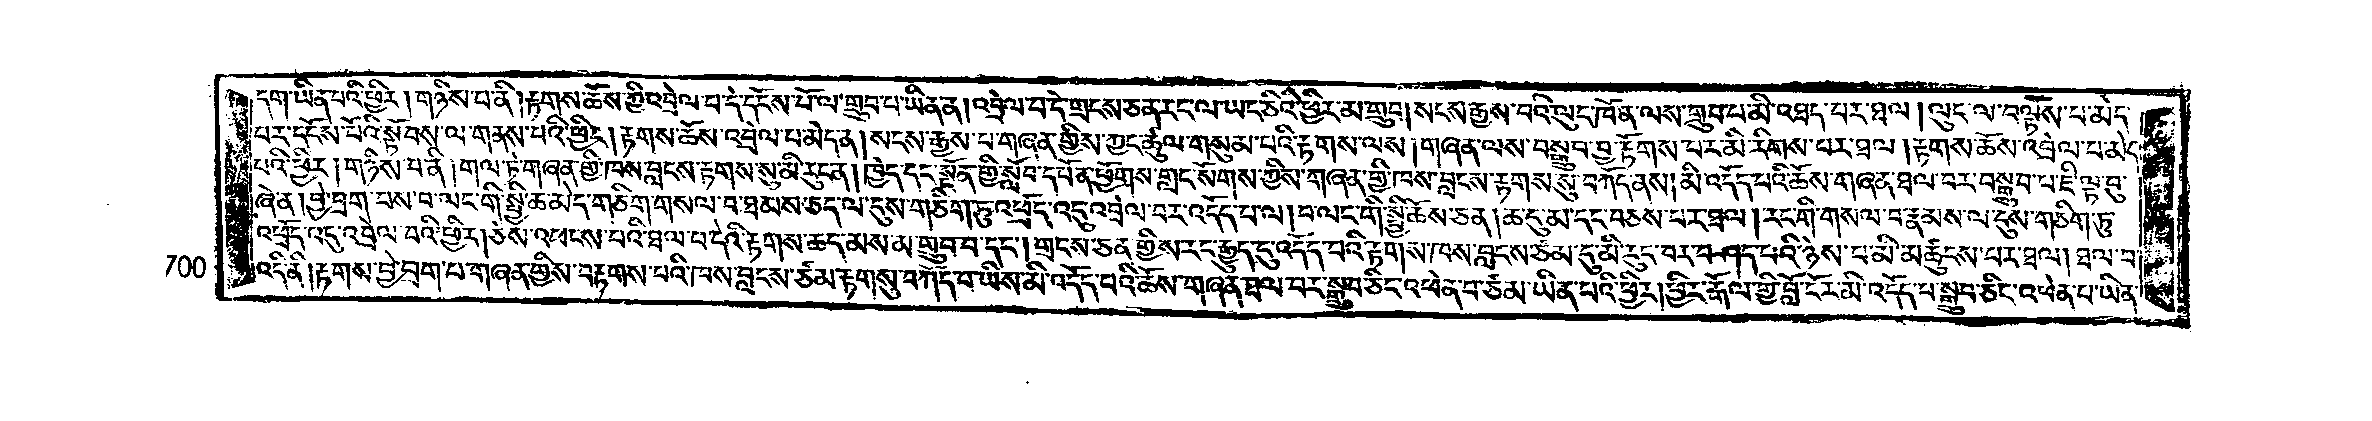དག་ཡིན་པའི་ཕྱིར། གཉིས་པ་ནི། རྟགས་ཆོས་ཀྱི་འབྲེལ་པ་དེ་དངོས་པོ་ལ་གྲུབ་པ་ཡིན་ན། འབྲེལ་པ་དེ་གྲངས་ཅན་རང་ལ་ཡང་ཅིའི་ཕྱིར་མ་གྲུབ་?་སངས་རྒྱས་པའི་ལུང་ཁོ་ན་ལས་གྲུབ་པ་མི་འཐད་པར་ཐལ། ལུང་ལ་བལྟོས་པ་མེད་
པར་དངོས་པོའི་སྟོབས་ལ་གནས་པའི་ཕྱིར། རྟགས་ཆོས་འབྲེལ་པ་མེད་ན། སངས་རྒྱས་པ་གཞན་གྱིས་ཀྱང་ཚུལ་གསུམ་པའི་རྟགས་ལས། གཞན་ལས་བསྒྲུབ་བྱ་རྟོགས་པར་མི་རིགས་པར་ཐལ། རྟགས་ཆོས་འབྲེལ་པ་མེད་
པའི་ཕྱིར། གཉིས་པ་ནི། གལ་ཏེ་གཞན་གྱི་ཁས་བླངས་རྟགས་སུ་མི་རུང་ན། ཁྱེད་དང་སྔོན་གྱི་སློབ་དཔོན་ཕྱོགས་གླང་སོགས་ཀྱིས་གཞན་གྱི་ཁས་བླངས་རྟགས་སུ་བཀོད་ནས། མི་འདོད་པའི་ཆོས་གཞན་ཐལ་བར་བསྒྲུབ་པ་ཇི་ལྟ་བུ་
ཞེ་ན། བྱ་བྲག་པས་བ་ལང་གི་སྤྱི་ཆ་མེད་?་གཅིག་གསལ་བ་ཐམས་ཅད་ལ་དུས་གཅིག་ཏུ་འཕྲོད་འདུ་འབྲེལ་བར་འདོད་པ་ལ། བ་ལང་གི་སྤྱི་ཆོས་ཅན། ཆ་དུ་མ་དང་བཅས་པར་ཐལ། རང་གི་གསལ་བ་རྣམས་ལ་དུས་གཅིག་ཏུ་
འཕྲོད་འདུ་འབྲེལ་བའི་ཕྱིར། ཅེས་འཕངས་པའི་ཐལ་བ་དེའི་རྟགས་ཚད་མས་མ་གྲུབ་པ་དང་། གྲངས་ཅན་གྱིས་རང་རྒྱུད་འདོད་པའི་རྟགས་ཁས་བླངས་ཙམ་དུ་མི་རུང་བར་བཤད་པའི་ཉེས་པ་མི་མཚུངས་པར་ཐལ། ཐལ་བ་
འདི་ནི། རྟགས་བྱ་བྲག་པ་གཞན་གྱིས་བརྟགས་པའི་ཁས་བླངས་ཙམ་རྟག་སུ་བཀོད་པ་ཡིས་མི་འདོད་པའི་ཆོས་གཞན་ཐལ་བར་སྒྲུབ་ཅིང་འཕེན་པ་ཙམ་ཡིན་པའི་ཕྱིར། ཕྱིར་རྒོལ་གྱི་བློ་ངོར་མི་འདོད་པ་སྒྲུབ་ཅིང་འཕེན་པ་ཡིན་